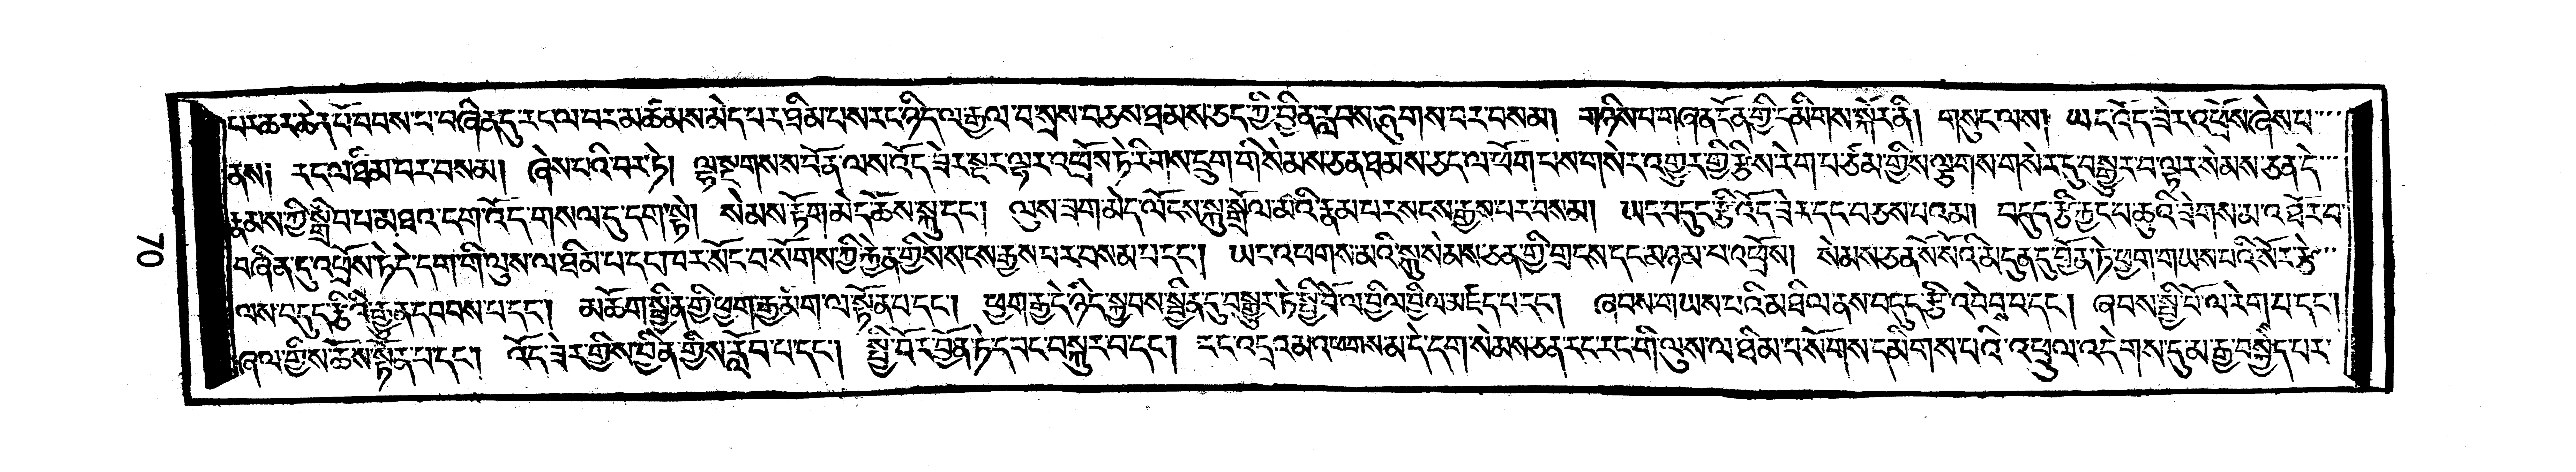པར་ཆར་ཆེན་པོ་བབས་པ་བཞིན་དུ་རང་ལ་བར་མཚོམས་མེད་པར་ཐིམ་པས་རང་ཉིད་ལ་རྒྱལ་བ་སྲས་བཅས་ཐམས་ཅད་ཀྱི་བྱིན་རླབས་ཞུགས་པར་བསམ། གཉིས་པ་གཞན་དོན་གྱི་དམིགས་སྐོར་ནི། གསུང་ལས། ཡང་འོད་ཟེར་འཕྲོས་ཞེས་པ་
ནས། རང་ལ་ཐིམ་པར་བསམ། ཞེས་པའི་བར་ཏེ། ལྷ་སྔགས་ས་བོན་ལས་འོད་ཟེར་སྔར་ལྟར་འཕྲོས་ཏེ་རིགས་དྲུག་གི་སེམས་ཅན་ཐམས་ཅད་ལ་ཕོག་པས་གསེར་འགྱུར་གྱི་རྩིས་རེག་པ་ཙམ་གྱིས་ལྕགས་གསེར་དུ་བསྒྱུར་བ་ལྟར་སེམས་ཅན་དེ་
རྣམས་ཀྱི་སྒྲིབ་པ་མཐའ་དག་འོད་གསལ་དུ་དག་སྟེ། སེམས་རྟོག་མེད་ཆོས་སྐུ་དང་། ལུས་ཟག་མེད་ལོངས་སྐུ་སྒྲོལ་མའི་རྣམ་པར་སངས་རྒྱས་པར་བསམ། ཡང་བདུད་རྩི་འོད་ཟེར་དང་བཅས་པའམ། བདུད་རྩི་རྐྱང་པ་ཆུའི་ཟེགས་མ་འཐོར་བ་
བཞིན་དུ་འཕྲོས་ཏེ་དེ་དག་གི་ལུས་ལ་ཐིམ་པ་དང་ཁར་སོང་བ་སོགས་ཀྱི་རྐྱེན་གྱིས་སངས་རྒྱས་པར་བསམ་པ་དང་། ཡང་འཕགས་མའི་སྐུ་སེམས་ཅན་གྱི་གྲངས་དང་མཉམ་པ་འཕྲོས། སེམས་ཅན་སོ་སོའི་མདུན་དུ་བྱོན་ཏེ་ཕྱག་གཡས་པའི་སོར་རྩེ་
ལས་བདུད་རྩིའི་རྒྱུན་འབེབས་པ་དང་། མཆོག་སྦྱིན་གྱི་ཕྱག་རྒྱ་མིག་ལ་སྟོན་པ་དང་། ཕྱག་རྒྱ་དེ་ཉིད་སྐྱབས་སྤྱིན་དུ་བསྒྱུར་ཏེ་སྤྱི་བོ་ལ་བྱིལ་བྱིལ་མཛད་པ་དང་། ཞབས་གཡས་པའི་མཐིལ་ནས་བདུད་རྩི་འབེབ་པ་དང་། ཞབས་སྤྱི་བོ་ལ་རེག་པ་དང་།
ཞལ་གྱིས་ཆོས་སྟོན་པ་དང་། འོད་ཟེར་གྱིས་བྱིན་གྱིས་རློབ་པ་དང་། སྤྱི་བོར་བྱོན་ཏེ་དབང་བསྐུར་བ་དང་། རང་འདྲའམ་འཕགས་མ་དེ་དག་སེམས་ཅན་རང་རང་གི་ལུས་ལ་ཐིམ་པ་སོགས་དམིགས་པའི་འཕྲུལ་འདེགས་དུ་མ་རྒྱ་བསྐྱེད་པ་